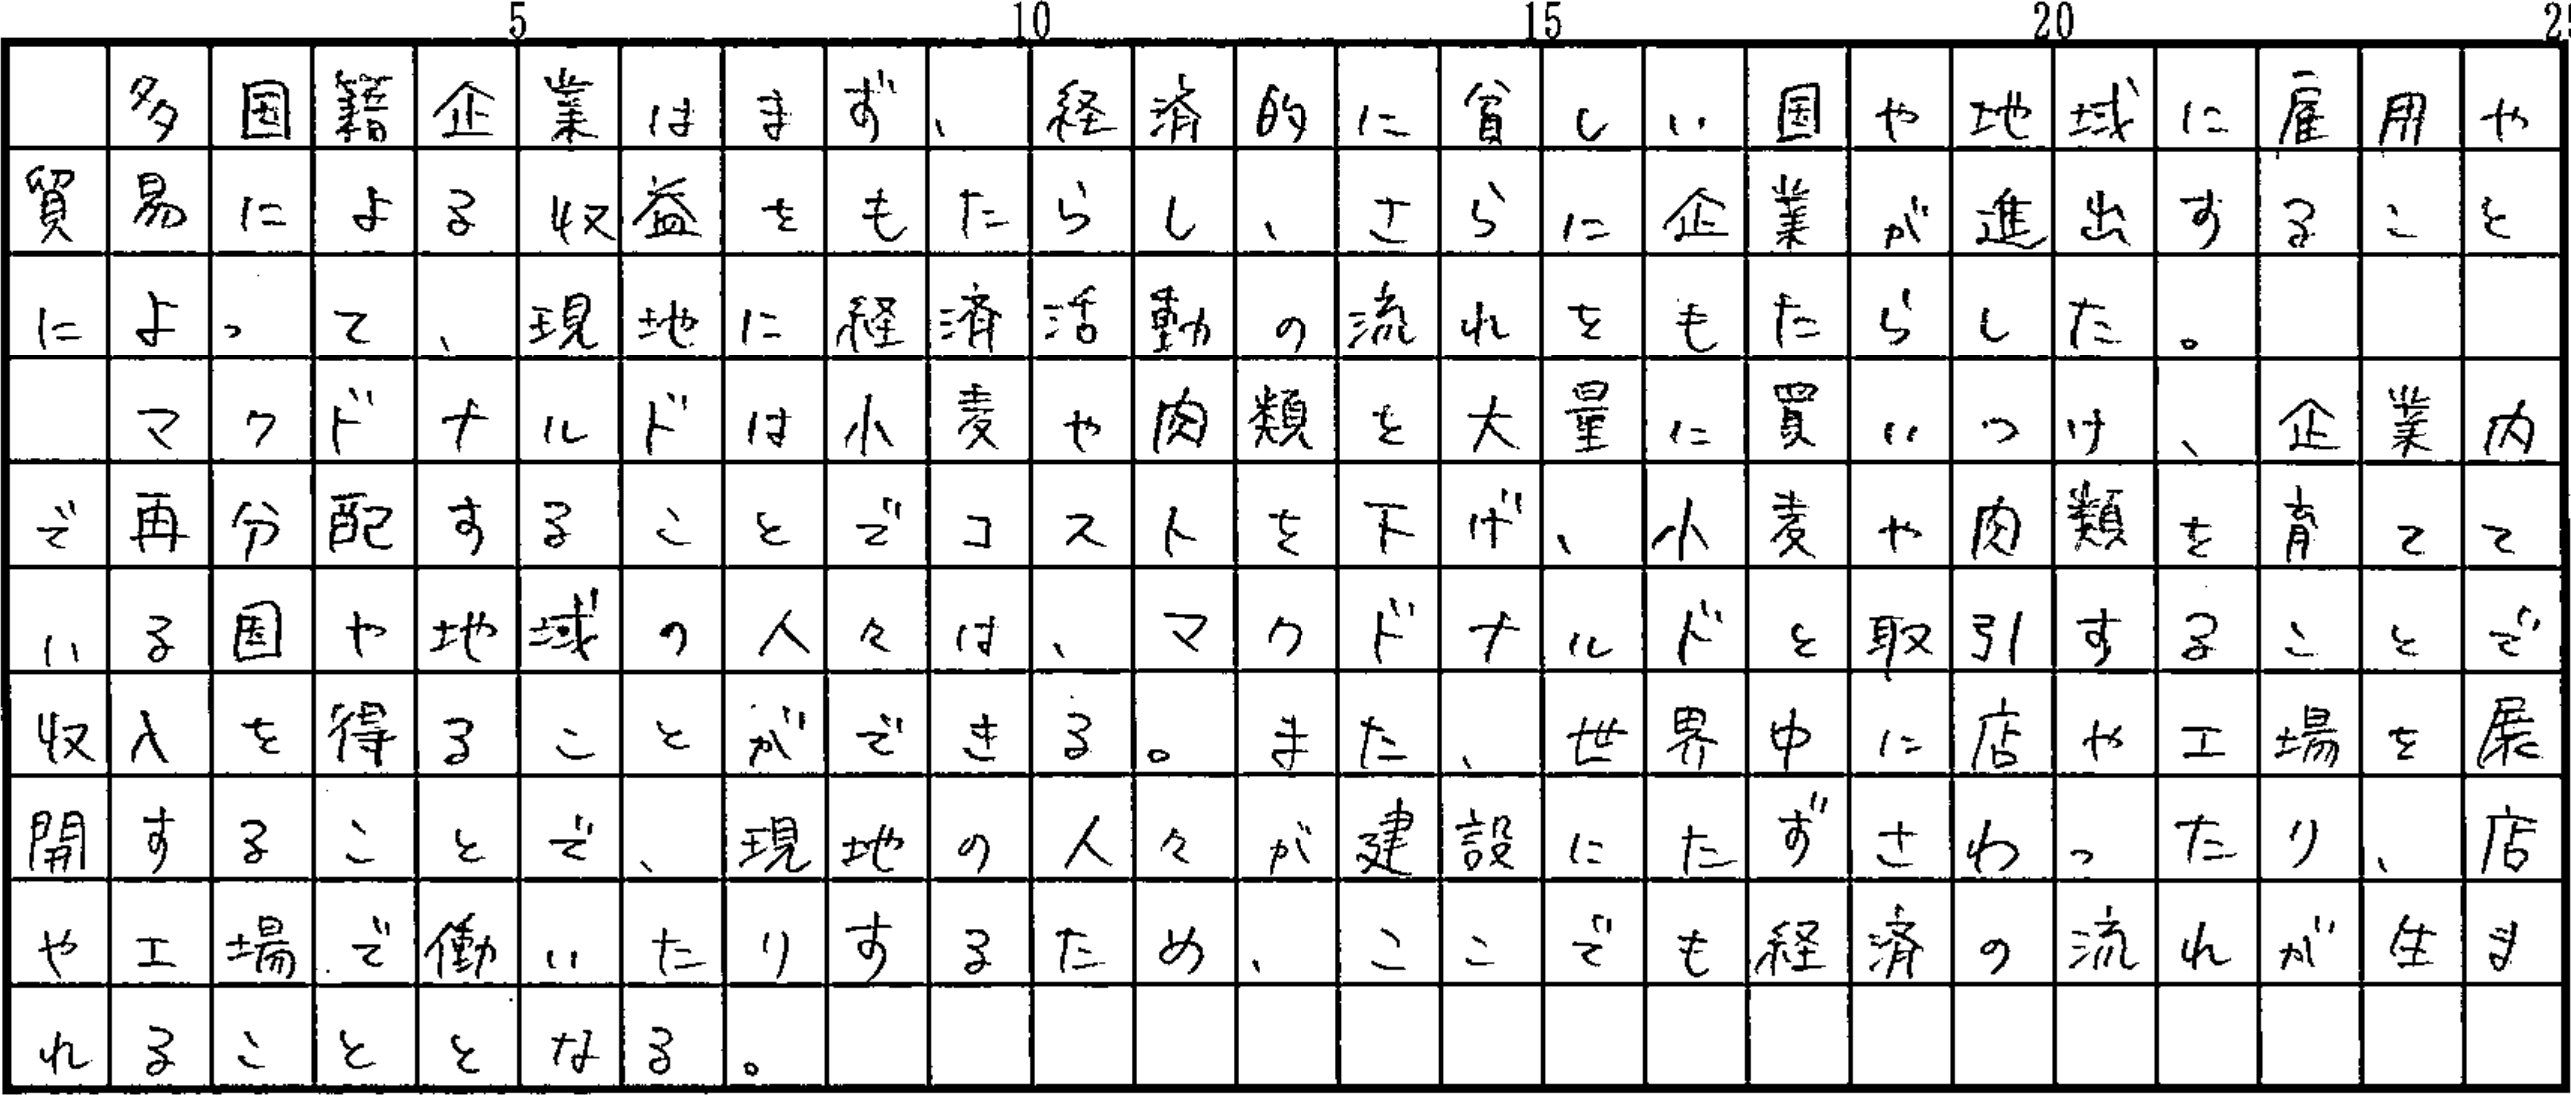　多国籍企業はまず、経済的に貧しい国や地域に雇用や貿易による収益をもたらし、さらに企業が進出することによって、現地に経済活動の流れをもたらした。
　マクドナルドは小麦や肉類を大量に買いつけ、企業内で再分配することでコストを下げ、小麦や肉類を育てている国や地域の人々は、マクドナルドと取引をすることで収入を得ることができる。また、世界中に店や工場を▁開することで、現地の人々が建設にたずさわったり、店や工場で働いたりするため、ここでも経済の流れが生まれることとなる。
